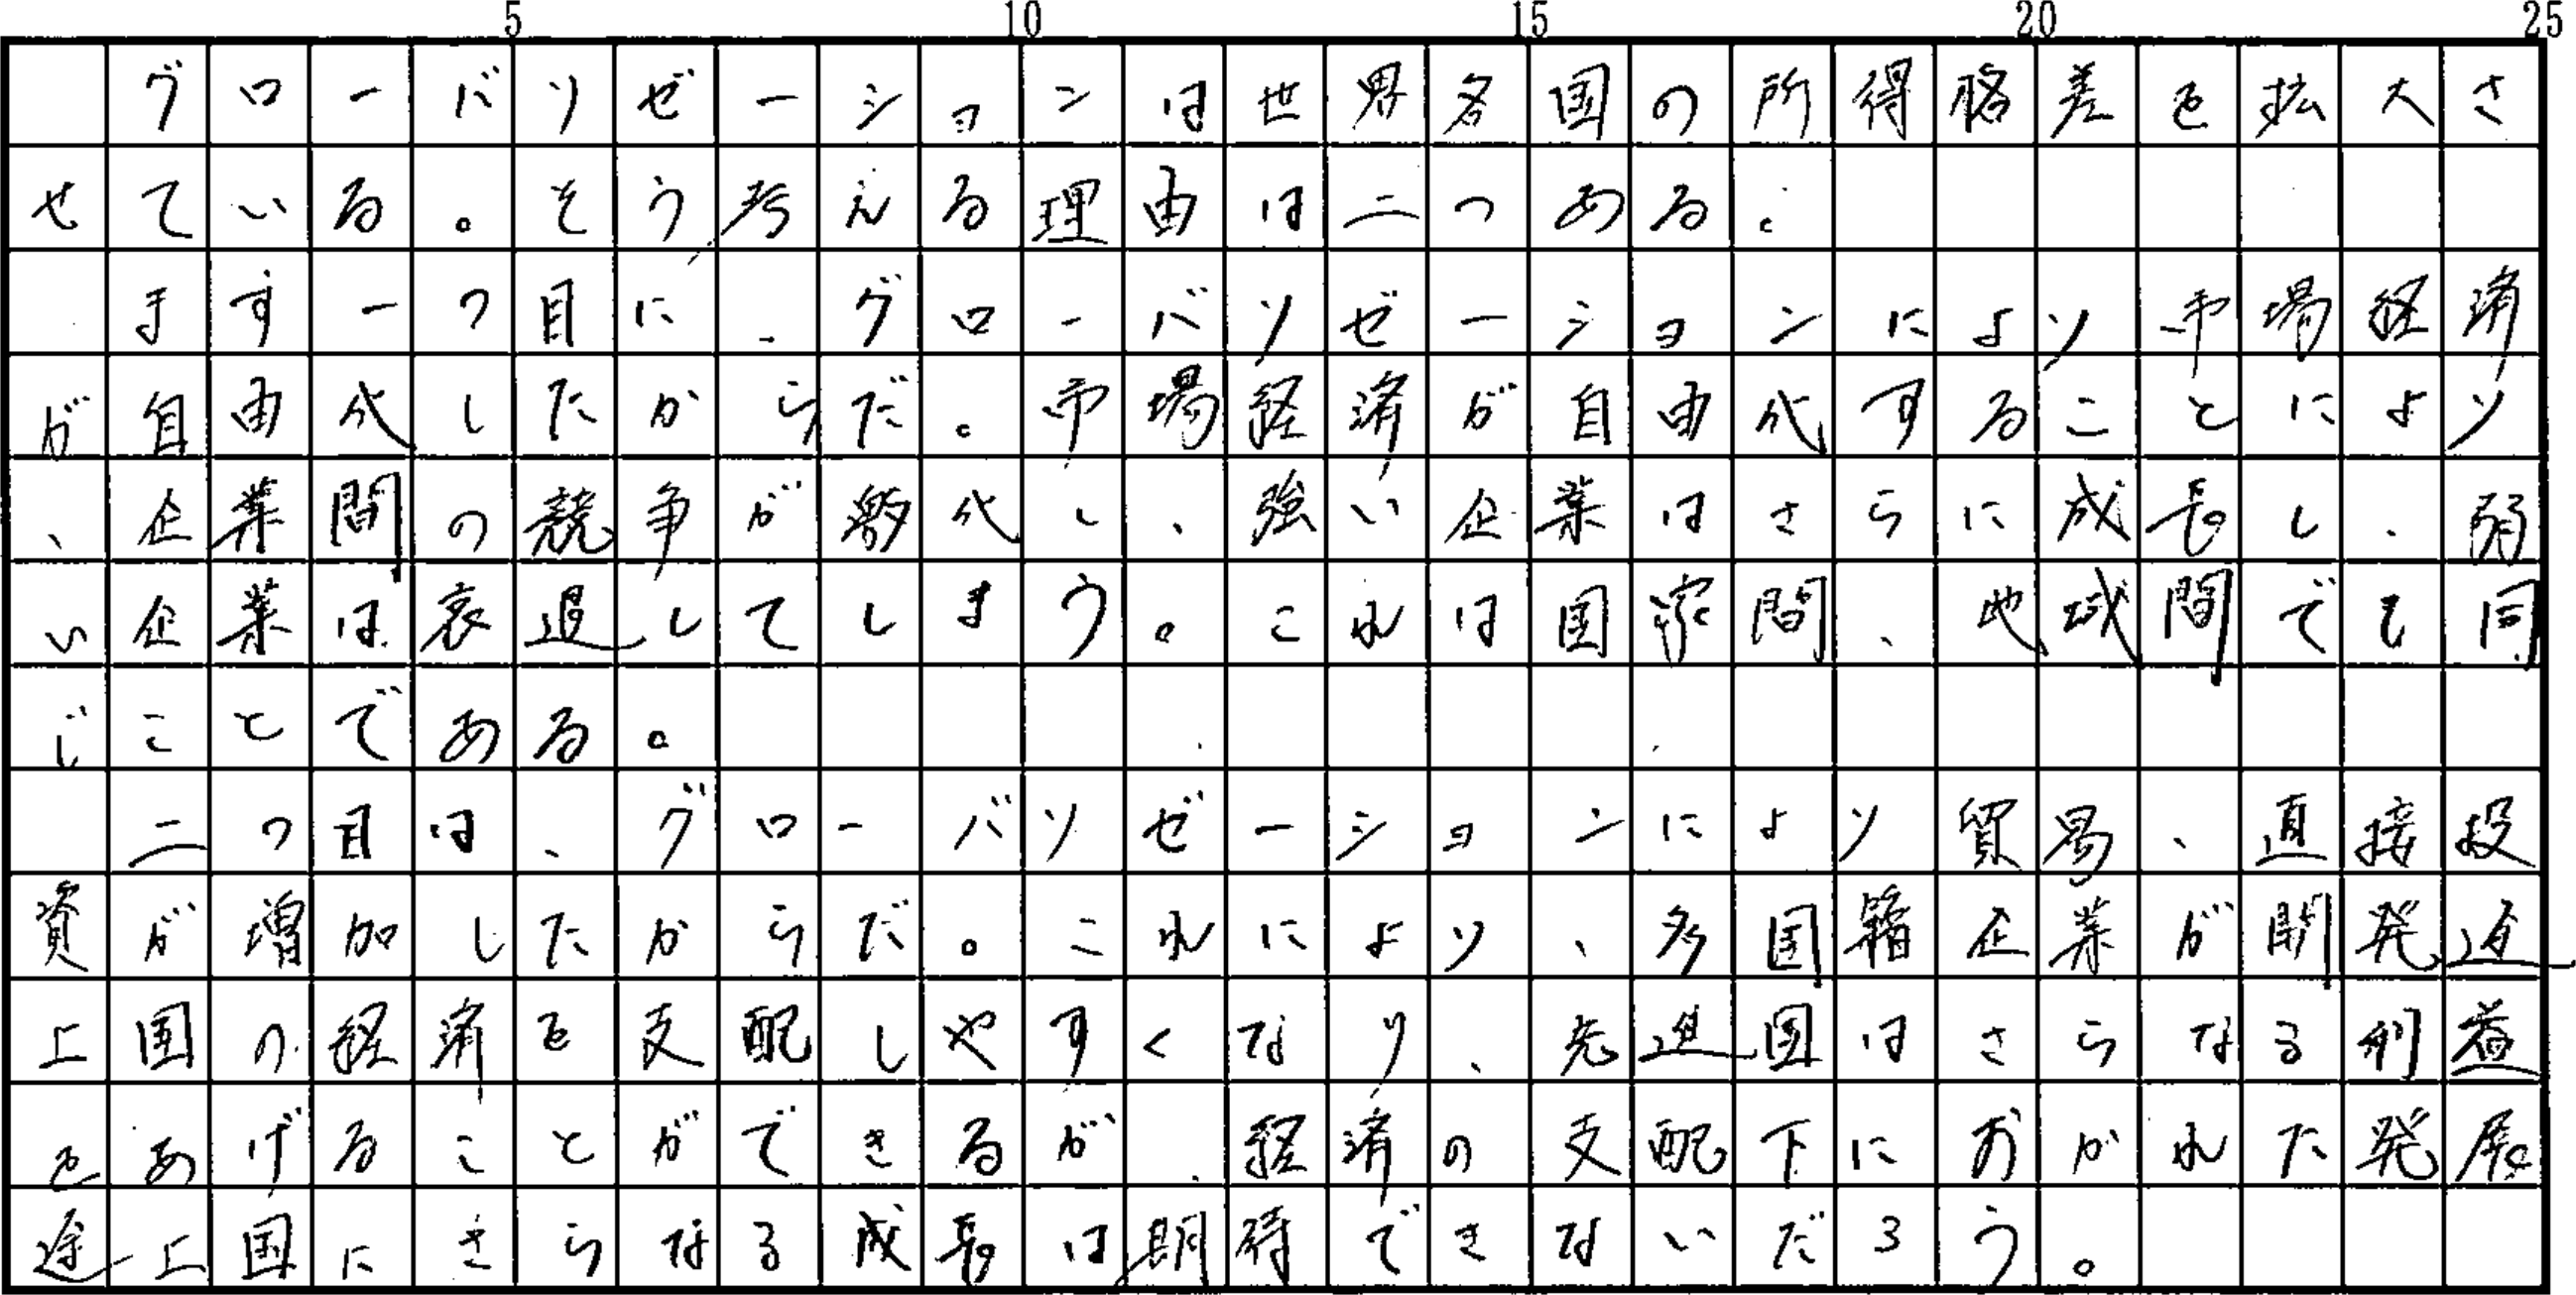　グローバリゼーションは世界各国の所得格差を拡大させている。そう考える理由は二つある。
　まず一つ目に、グローバリゼーションにより市場経済が自由化したからだ。市場経済が自由化することにより、企業間の競争が激化し、強い企業はさらに成長し、弱い企業は衰退してしまう。これは国家間、地域間でも同じことである。
　二つ目は、グローバリゼーションにより貿易、直接投資が増加したからだ。これにより、多国籍企業が開発途上国の経済を支配しやすくなり、先進国はさらなる利益をあげることができるが、経済の支配下におかれた発展途上国にさらなる成長は期待できないだろう。
